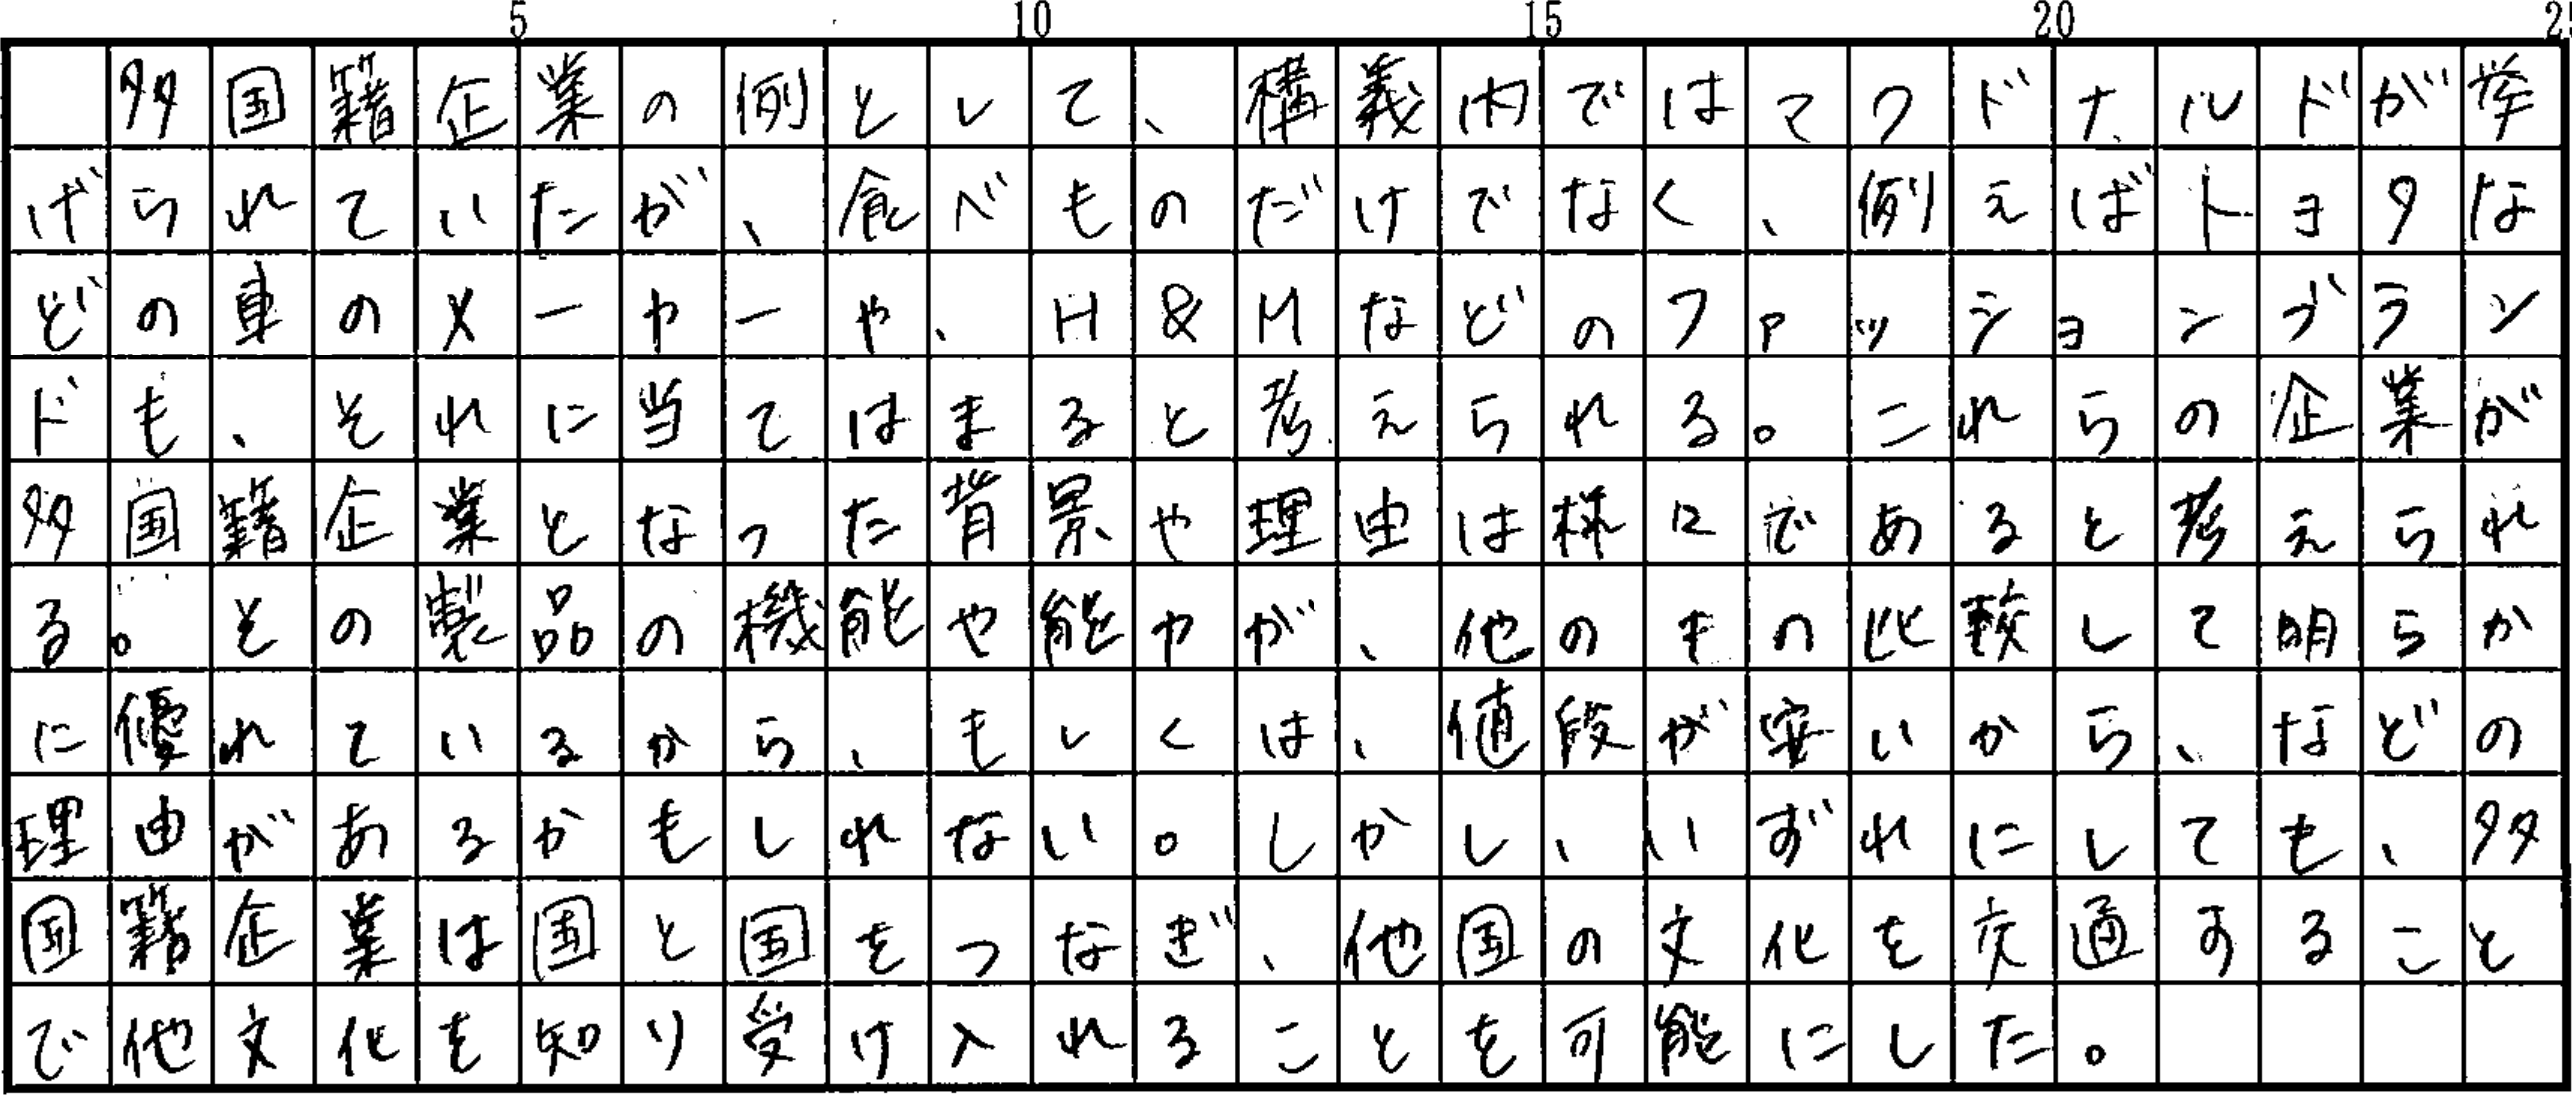　多国籍企業の例として、構義内ではマクドナルドが挙げられていたが、食べものだけでなく、例えばトヨタなどの車のメーカーや、H&Mなどのファッションブランドも、それに当てはまると考えられる。これらの企業が多国籍企業となった背景や理由は様々であると考えられる。その製品の機能や能力が、他のもの比較して明らかに優れているから、もしくは、値段が安いから、などの理由があるかもしれない。しかし、いずれにしても、多国籍企業は国と国をつなぎ、他国の文化を交通することで他文化を知り受け入れることを可能にした。
